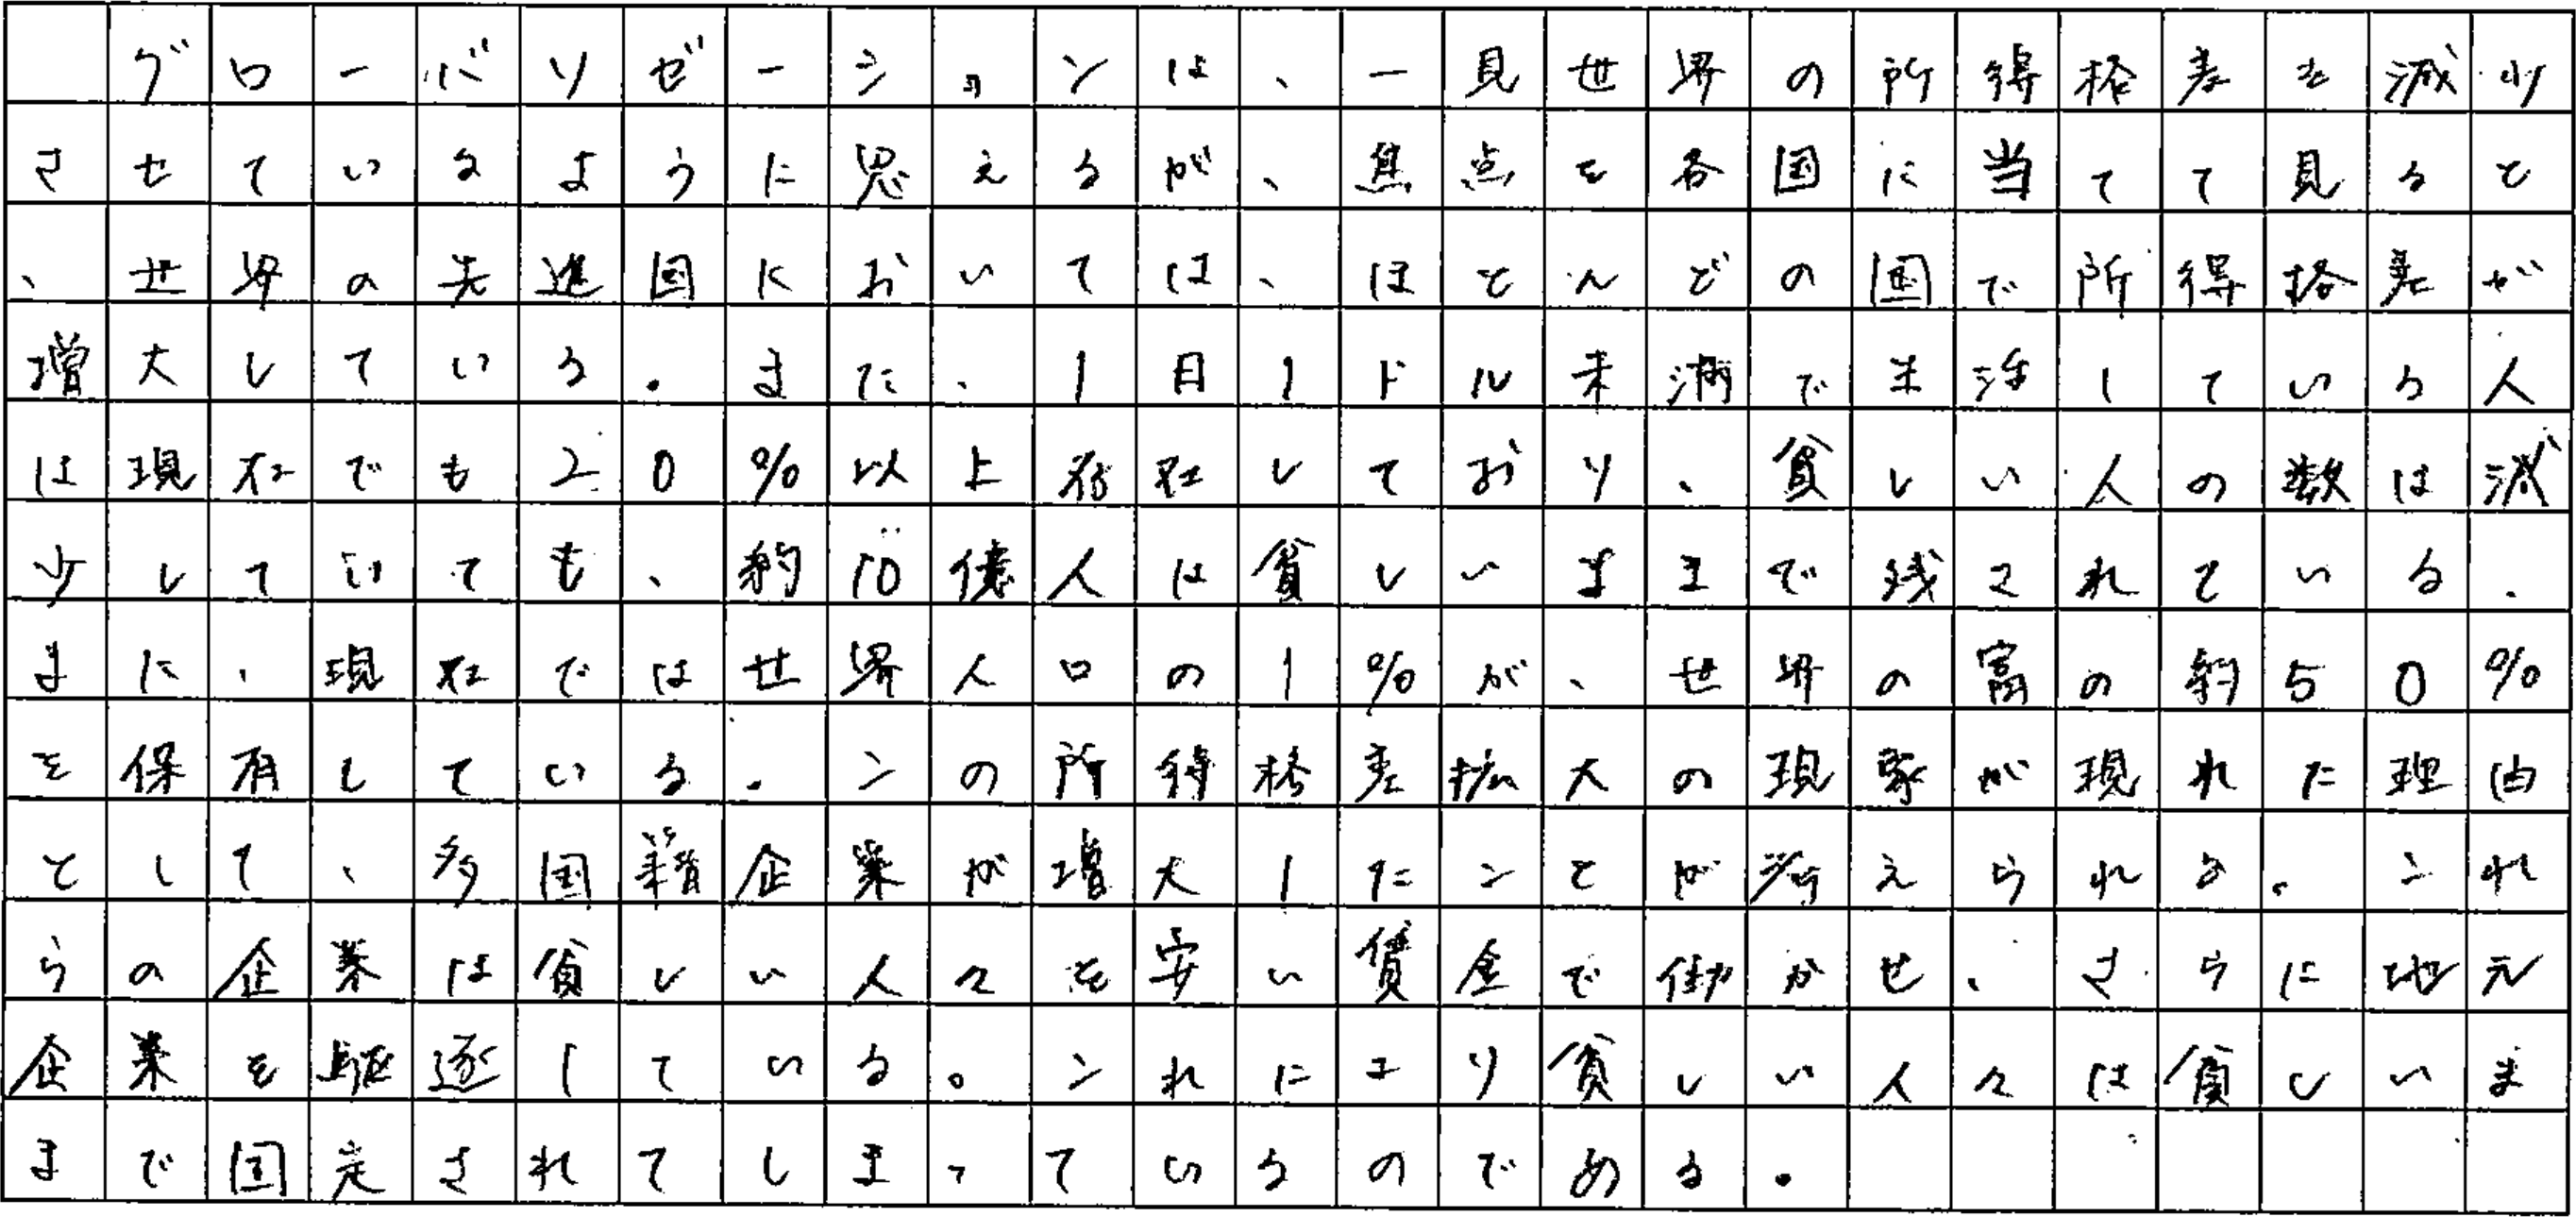　グローバリゼーションは、一見世界の所得格差を減少させているように思えるが、焦点を各国に当てて見ると、世界の先進国においては、ほとんどの国で所得格差が増大している。また、１日１ドル未満で生活している人は現在でも２０％以上存在しており、貧しい人の数は減少していても、約１０億人は貧しいままで残されている。また、現在では世界人口の１％が、世界の富の５０％を保有している。この所得格差拡大の現象が現れた理由として、多国籍企業が増大したことが考えられる。これらの企業は貧しい人々を安い賃金で働かせ、さらに地元企業も駆逐している。これにより貧しい人々は貧しいままで固定されてしまっているのである。
